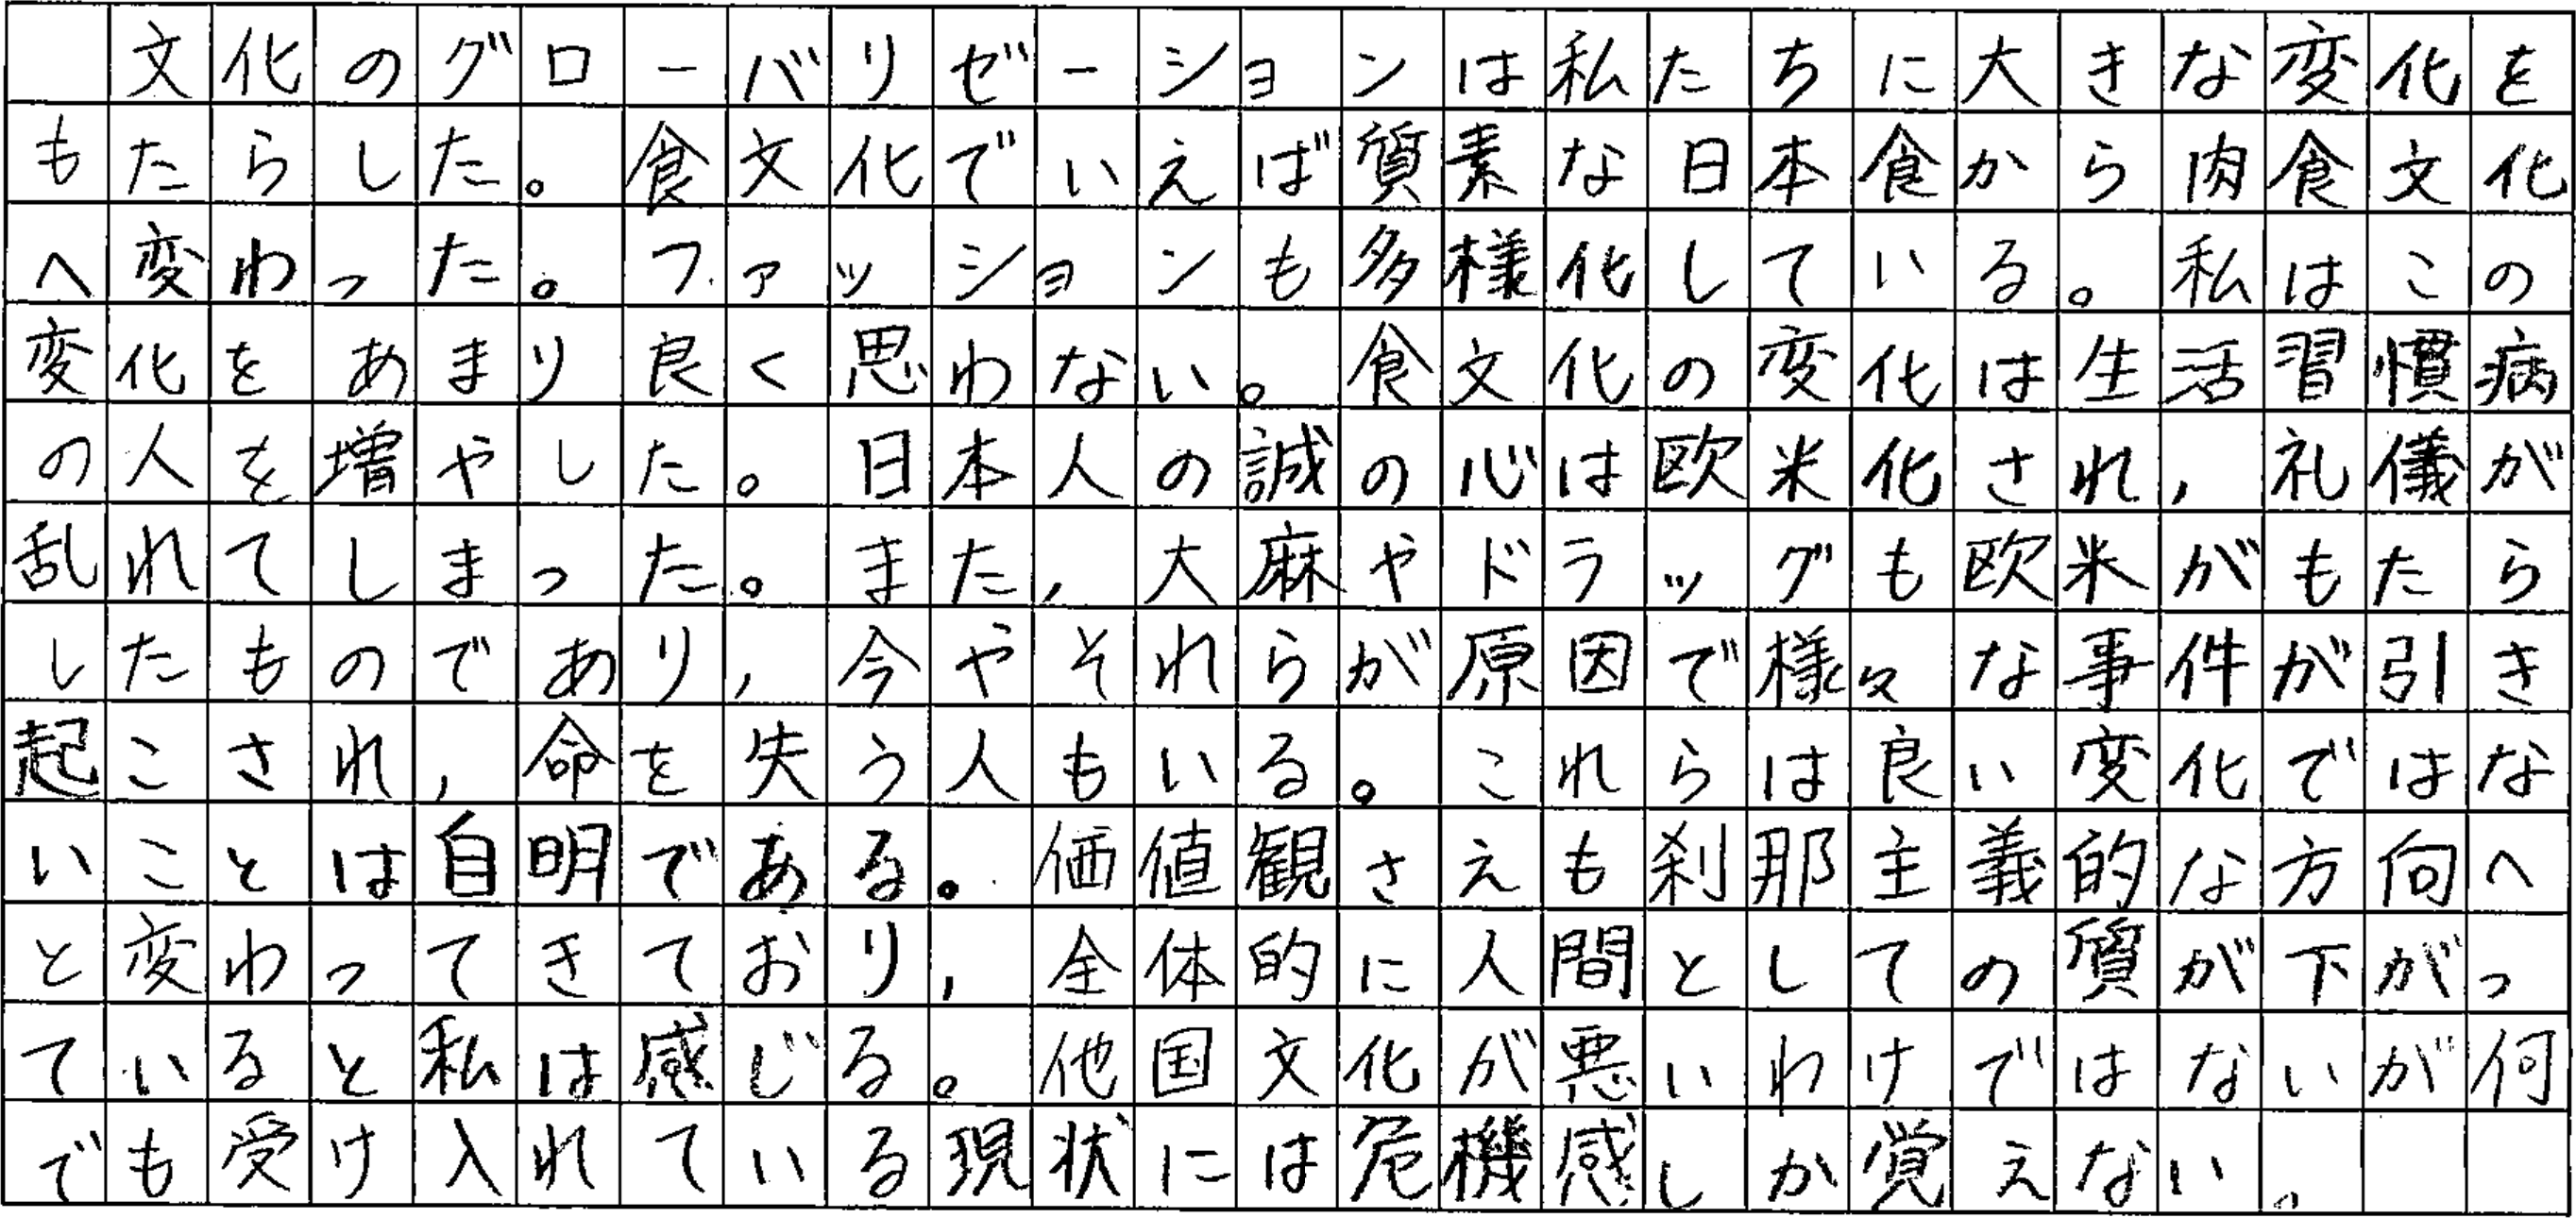　文化のグローバリゼーションは私たちに大きな変化をもたらした。食文化でいえば質素な日本食から肉食文化へ変わった。ファッションも多様化している。私はこの変化をあまり良く思わない。食文化の変化は生活習慣病の人を増やした。日本人の誠の心は欧米化され、礼儀が乱れてしまった。また、大麻やドラッグも欧米がもたらしたものであり、今やそれらが原因で様々な事件が引き起こされ、命を失う人もいる。これらは良い変化ではないことは自明である。価値観さえも刹那主義的な方向へと変わってきており、全体的に人間としての質が下がっていると私は感じる。他国文化が悪いわけではないが何でも受け入れている現状には危機感しか覚えない。
